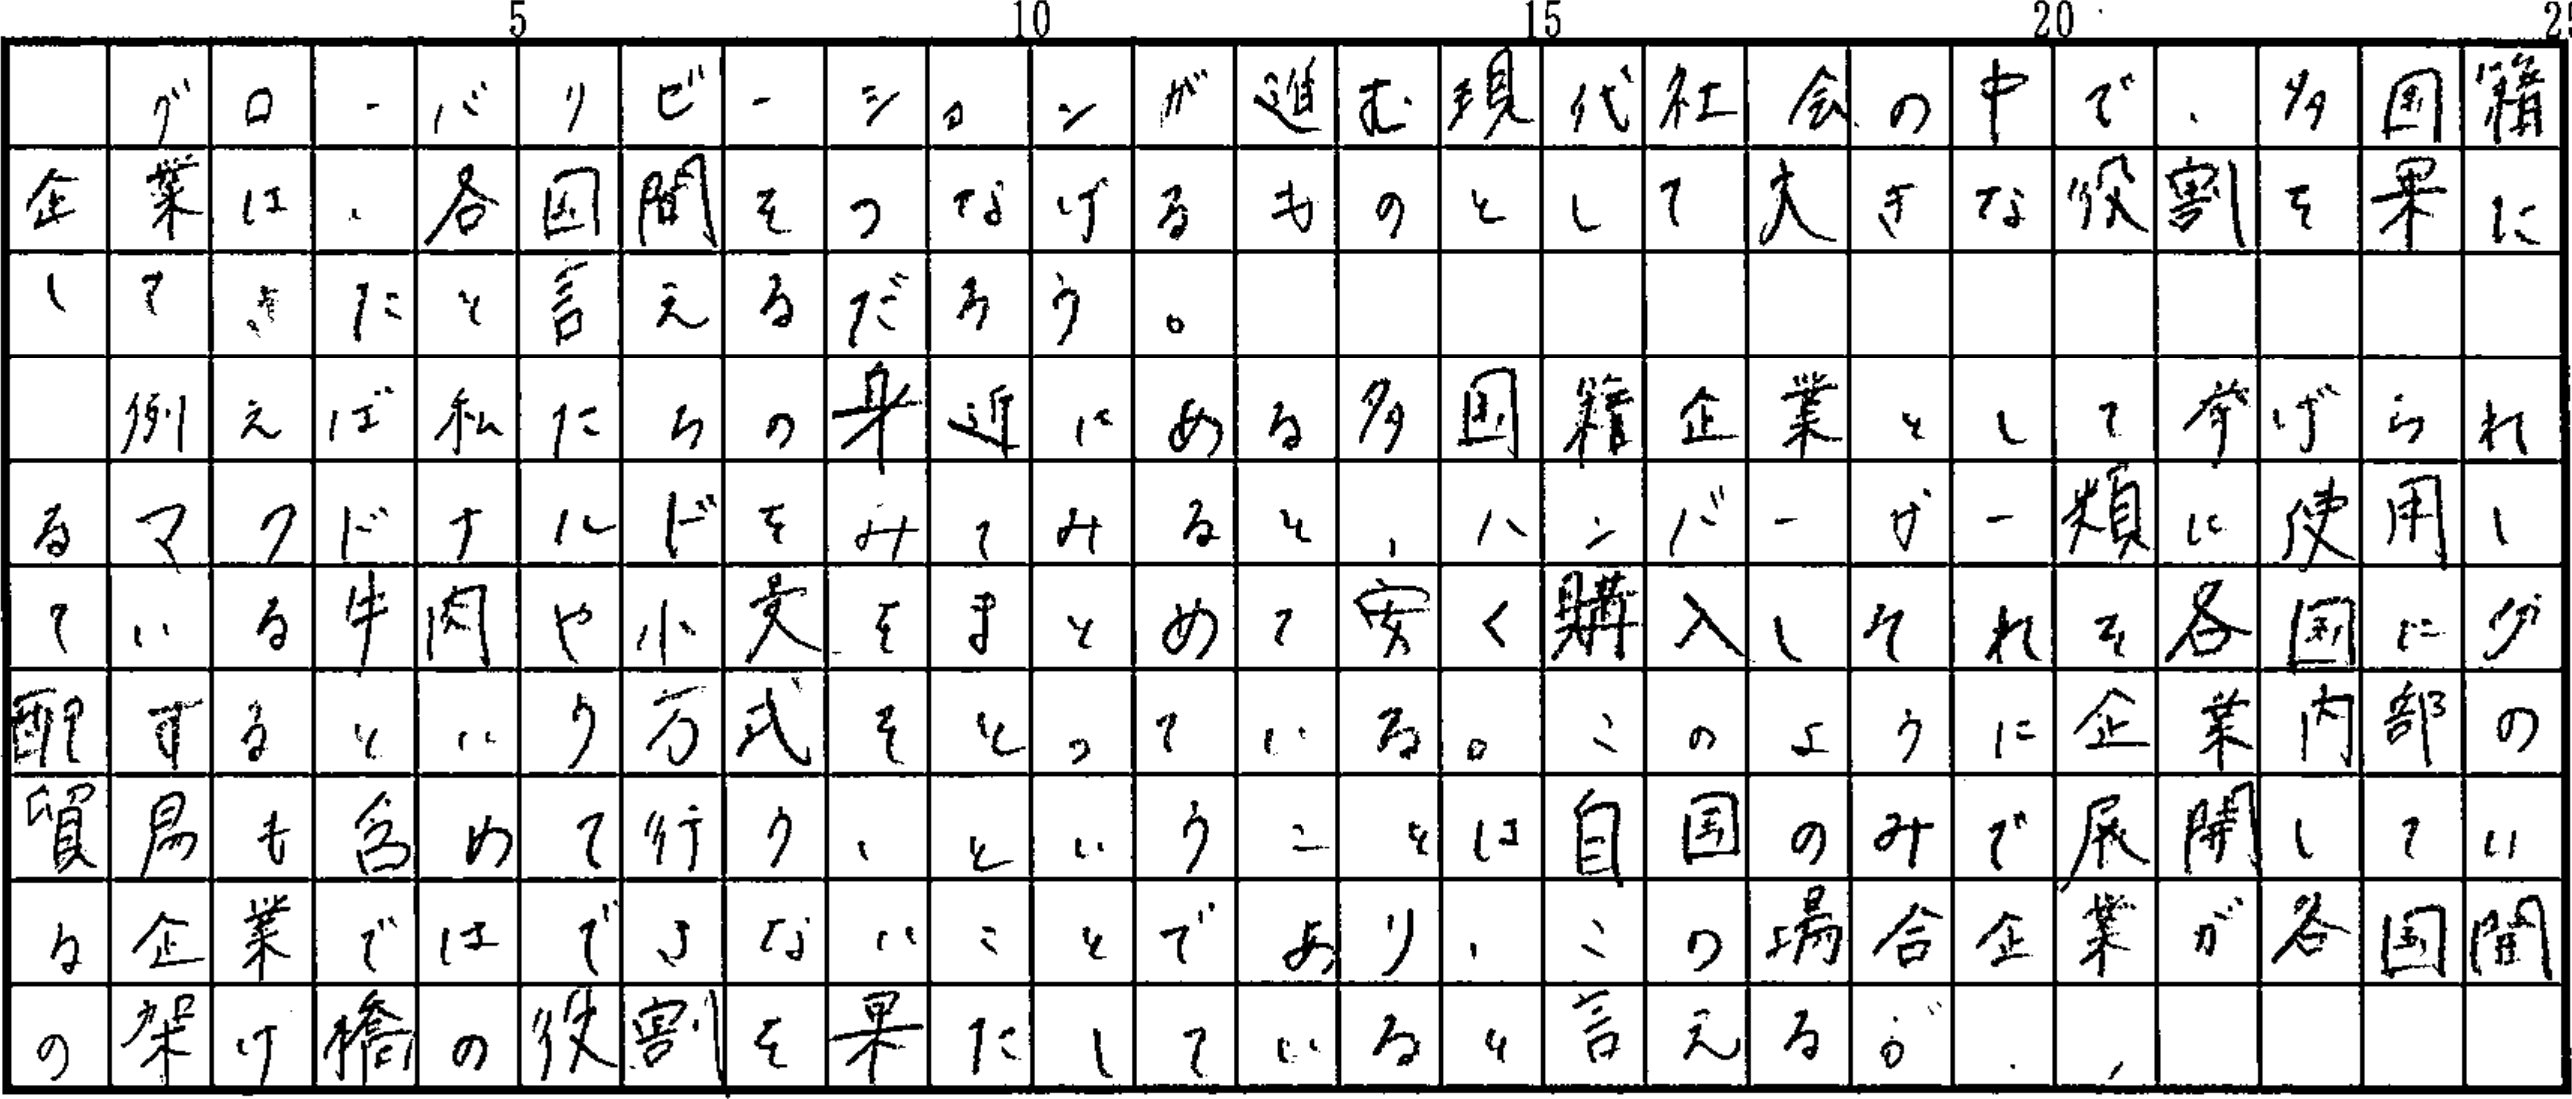　グローバリゼーションが進む現代社会の中で、多国籍企業は、各国間をつなげるものとして大きな役割を果たしてきたと言えるだろう。
　例えば私たちの身近にある多国籍企業として挙げられるマクドナルドをみてみると、ハンバーガー類に使用している牛肉や小麦をまとめて安く購入しそれを各国に分配するという方式をとっている。このように企業内部の貿易も含めて行う、ということは自国のみで展開している企業ではできないことであり、この場合企業が各国間の架け橋の役割を果たしていると言える。
